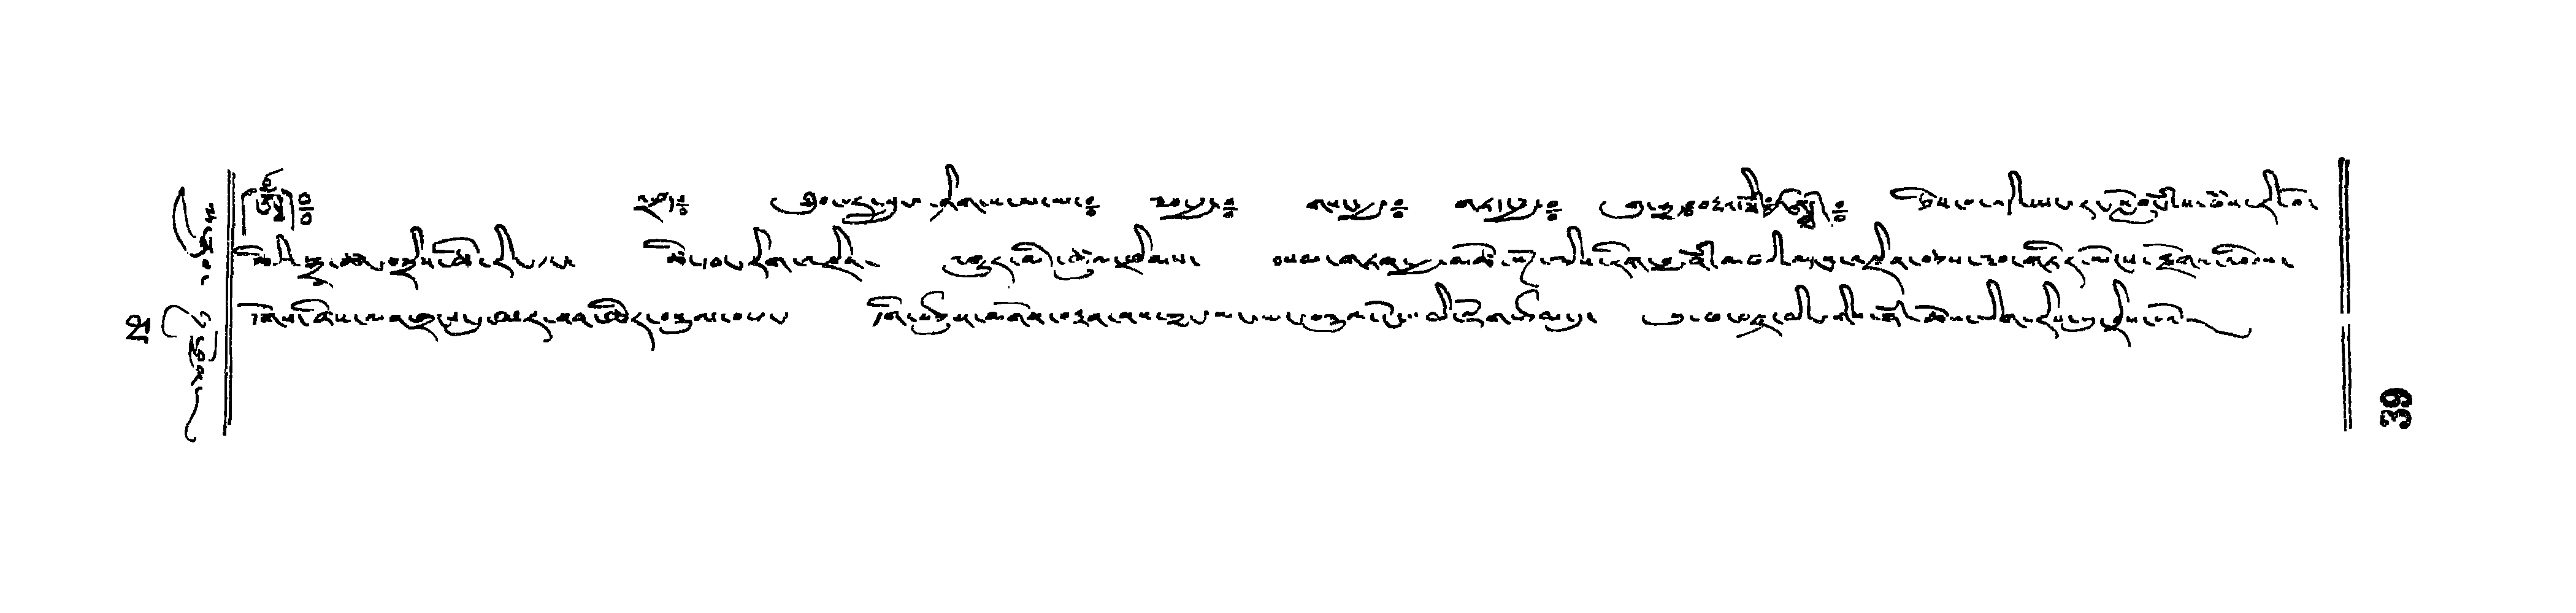འཕྲད༔ ཐུབ་པར་སྲུངས་ཤིག་ས་མ་ཡ༔ ཟབ་རྒྱ༔ གསང་རྒྱ༔ གཏད་རྒྱ༔ གུ་ཧྱཿབརྡ་ཐིམ༔ ༔ ཅེས་པ་འདི་ཡང་རང་སློབ་དམ་པ་ཁམས་རི་བོ་
རྩེའི་གྲྭ་ཚང་བཀྲ་ཤིས་ཚེ་རིང་དང་། ཚེ་དབང་རིག་འཛིན། འགྱུར་མེད་ཚུལ་ཁྲིམས། གསམ་གཏན་རྒྱ་མཚོ་སོགས་ཀྱིས་རེག་བྱ་ནམ་མཁའི་མདངས་བཅས་ཟབ་གཏེར་ཡོངས་རྫོགས་བེབས་
དགོས་ཞེས་ལན་གྲངས་དུ་མར་ནན་ཆེར་བསྐུལ་བ་དང་། དགེ་བཙུན་མགོན་བརྟན་ནས་ཀྱང་ཡང་ཡང་བསྐུལ་ངོ་མ་ལྡོག་ཙམ་དུ། སུ་ཁ་བཛྲ་མིང་གིས་ཉམ་ཆོས་ཡིག་རིས་སུ་བྲིས་པའོ།།